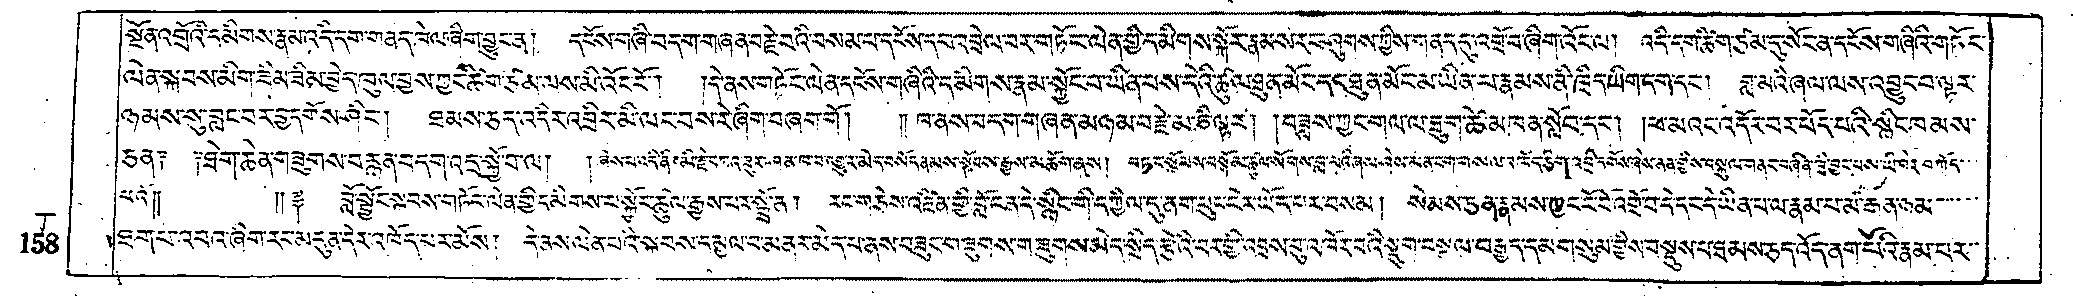སྔོན་འགྲོའི་དམིགས་རྣམ་འདི་དག་གནད་ཁེལ་ཞིག་བྱུང་ན། དངོས་གཞི་བདག་གཞན་བརྗེ་བའི་བསམ་པ་དངོས་དང་འབྲེལ་བར་གཏོང་ལེན་གྱི་དམིགས་སྐོར་རྣམས་རང་ཤུགས་ཀྱིས་གནད་དུ་འགྲོ་བ་ཞིག་འོང་ལ། འདི་དག་ཚིག་ཙམ་དུ་སོང་ན་དངོས་གཞིའི་གཏོང་
ལེན་སྐབས་མིག་ཟིམ་ཟིམ་བྱེད་ཁུལ་བྱས་ཀྱང་ཚིག་ཙམ་ལས་མི་འོང་ངོ། །དེ་ནས་གཏོང་ལེན་དངོས་གཞིའི་དམིགས་རྣམས་སྐྱོང་བ་ཡིན་པས་དེའི་ཚུལ་ཐུན་མོང་དང་ཐུན་མོང་མ་ཡིན་པ་རྣམས་ནི་ཁྲིད་ཡིག་དག་དང་། བླ་མའི་ཞལ་ལས་འབྱུང་བ་ལྟར་
ཉམས་སུ་བླང་བར་བྱ་དགོས་ཤིང་། ཐམས་ཅད་འདིར་འབྲིར་མི་ལང་བས་རེ་ཞིག་བཞག་གོ། །།ཁ་ནས་བདག་གཞན་མཉམ་བརྗེ་མ་ཎི་ལྟར། །བཟླས་ཀྱང་གལ་ལ་ཐུག་ཚེ་མཁན་སློབ་དང་། །ཕ་མའང་འདོར་བར་ཕོད་པའི་སྙིང་ཁམས་
ཅན༑ ༑ཐེག་ཆེན་གཟུགས་བརྙན་བདག་འདྲ་སྐྱོ་བ་ལ། །ཞེས་པ་འདི་ནི་མི་རྗེ་བཀའ་ཟུར་ཤན་ཁ་བ་འགྱུར་མེད་བསོད་ནམས་སྟོབས་རྒྱས་མཆོག་ནས། བཏང་སྙོམས་བསྒོམ་ཚུལ་སོགས་བླ་མའི་ཞལ་ཤེས་མན་ངག་གསལ་འཁོད་ཅིག་འབྲི་དགོས་ཞེས་ནན་གྱིས་བསྐུལ་གནང་བཞིན་ཁྲི་བྱང་པས་ཡི་གེར་བཀོད་་་
པའོ།། །།འ་བློ་སྦྱོང་སྐབས་གཏོང་ལེན་གྱི་དམིགས་པ་སྐྱོང་ཚུལ་རྒྱས་པར་སྦྲོ་ན། རང་གཅེས་འཛིན་གྱི་བློ་ངན་དེ་སྙིང་གི་དཀྱིལ་དུ་ནག་ཕུང་ངེར་ཡོད་པར་བསམ། སེམས་ཅན་རྣམས་ཀྱང་ངོ་བོ་འགྲོ་བ་དེ་དང་དེ་ཡིན་པ་ལ་རྣམ་པ་མ་རྒན་ཉམ་་་
ཐག་པ་འབའ་ཞིག་རང་མདུན་དེར་འཁོད་པར་མོས། དེ་ནས་ལེན་པའི་སྐབས་དམྱལ་བ་མ་ནར་མེད་པ་ནས་བཟུང་གཟུགས་གཟུགས་མེད་སྲིད་རྩེའི་བར་གྱི་འབྲས་བུ་འཁོར་བའི་སྡུག་བསྔལ་བརྒྱད་དམ་གསུམ་གྱིས་བསྡུས་པ་ཐམས་ཅད་འོད་ནག་པོའི་རྣམ་པར་་་